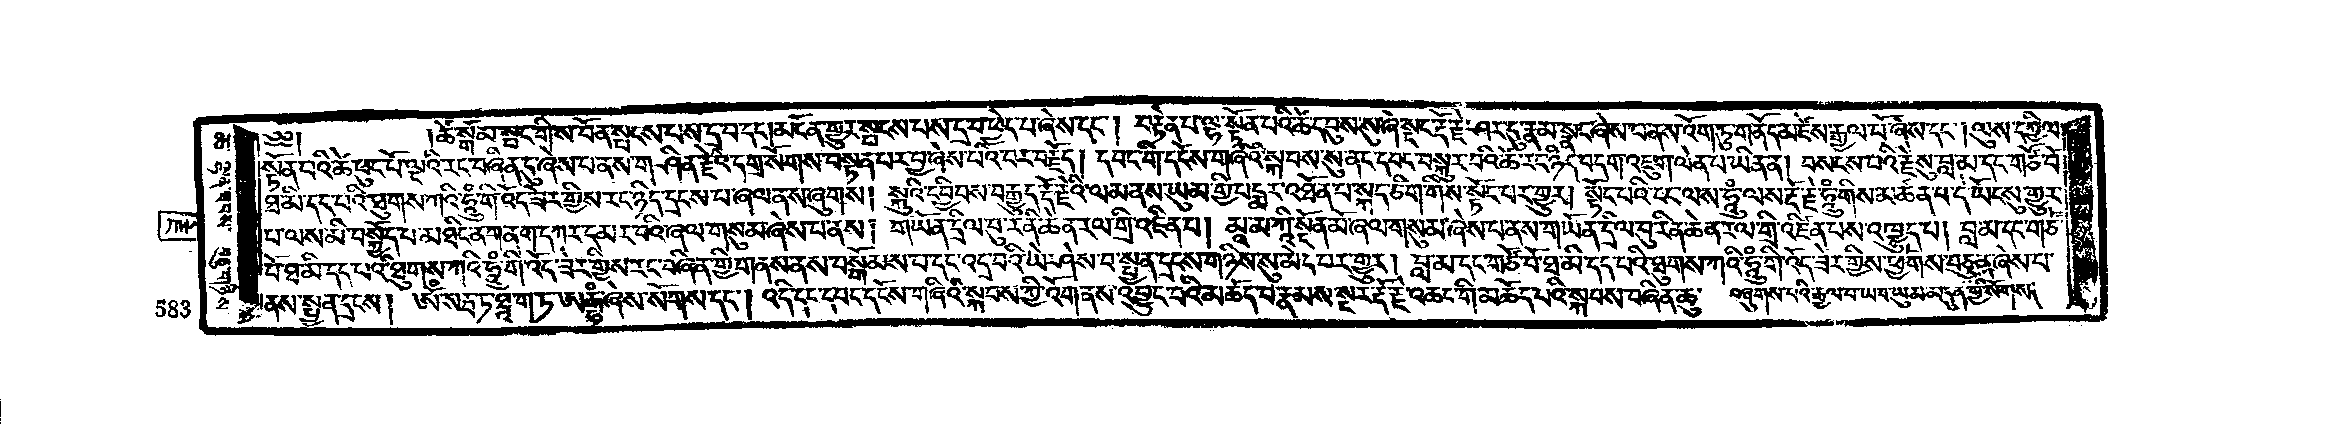༄༅། །ཚེ་སྒོམ་སྤང་གི་ས་བོན་སྤངས་པས་དྲ་བ་དང་། མངོན་གྱུར་སྤངས་པས་དྲ་བ་ཕྱེད་པ་ཞེས་དང་། བརྟེན་པ་ལྷ་སྟོན་པའི་ཚེ་དབུས་སུ་ཞེ་སྡང་རྡོ་རྗེ་ཤར་དུ་རྣམ་སྣང་ཞེས་པ་ནས་འོག་ཏུ་གནོད་མཛེས་རྒྱལ་པོ་ཞེས་དང་། ལུས་དཀྱིལ་
སྟོན་པའི་ཚེ་ཕུང་པོ་ལྔའི་རང་བཞིན་དུ་ཞེས་པ་ནས་གཤིན་རྗེའི་དགྲ་སོགས་བསྟན་པར་བྱ་ཞེས་པའི་བར་བརྗོད། དབང་གི་དངོས་གཞིའི་སྐབས་སུ་ནང་དབང་བསྐུར་བའི་ཚེ་རང་ཉིད་བདག་འཇུག་ལེན་པ་ཡིན་ན། བསངས་བའི་རྗེས་སུ་བླ་མ་དང་གཙོ་བོ་
ཐ་མི་དང་པའི་ཐུགས་ཀའི་ཧཱུཾ་གི་འོད་ཟེར་གྱིས་རང་ཉིད་དྲངས་པ་ཞལ་ནས་ཞུགས། སྐུའི་དབྱིབས་བརྒྱུད་རྡོ་རྗེའི་ལམ་ནས་ཡུམ་གྱི་པདམར་འཐོན་པ་སྐད་ཅིག་གིས་སྟོང་པར་གྱུར། སྟོང་པའི་ངང་ལས་ཧཱུཾ་ལས་རྡོ་རྗེ་ཧཱུཾ་གིས་མཚན་པ་དེ་ཡོངས་སུ་གྱུར་
པ་ལས་མི་བསྐྱོད་པ་མཐིང་ནག་ནག་དཀར་དམར་བའི་ཞལ་གསུམ་ཞེས་པ་ནས། གཡོན་དྲིལ་བུ་རིན་ཆེན་རལ་གྲི་འཛིན་པ། མཱ་མ་ཀཱི་སྔོན་མོ་ཞལ་གསུམ་ཞེས་པ་ནས་གཡོན་དྲིལ་བུ་རིན་ཆེན་རལ་གྲི་འཛིན་པས་འཁྱུད་པ། བླ་མ་དང་གཙོ་
བོ་ཐ་མི་དད་པའི་ཐུགས་ཀའི་ཧཱུཾ་གི་འོད་ཟེར་གྱིས་རང་བཞིན་གྱི་གནས་ནས་བསྒོམས་པ་དང་འདྲ་བའི་ཡེ་ཤེས་བ་སྤྱན་དྲངས་གཉིས་སུ་མེད་པར་གྱུར། བླ་མ་དང་གཙོ་བོ་ཐ་མི་དད་པའི་ཐུགས་ཀའི་ཧཱུཾ་གི་འོད་ཟེར་གྱིས་ཕྱོགས་བཅུ་ན་ཞེས་པ་
ནས་སྤྱན་དྲངས། ཨོཾ་སརྦ་ཏ་ཐཱ་ག་ཏ་ཨརྒྷཾ་ཞེས་སོགས་དང་། འདི་དང་དབང་དངོས་གཞིའི་སྐབས་ཀྱི་འོག་ནས་འབྱུང་བའི་མཆོད་པ་རྣམས་སྔར་རྡོ་རྗེ་འཆང་གི་མཆོད་པའི་སྐབས་བཞིན་ཆུ་བཞུགས་པའི་རྒྱལ་བ་ཡབ་ཡུམ་མདུན་གྱི་སོགས།